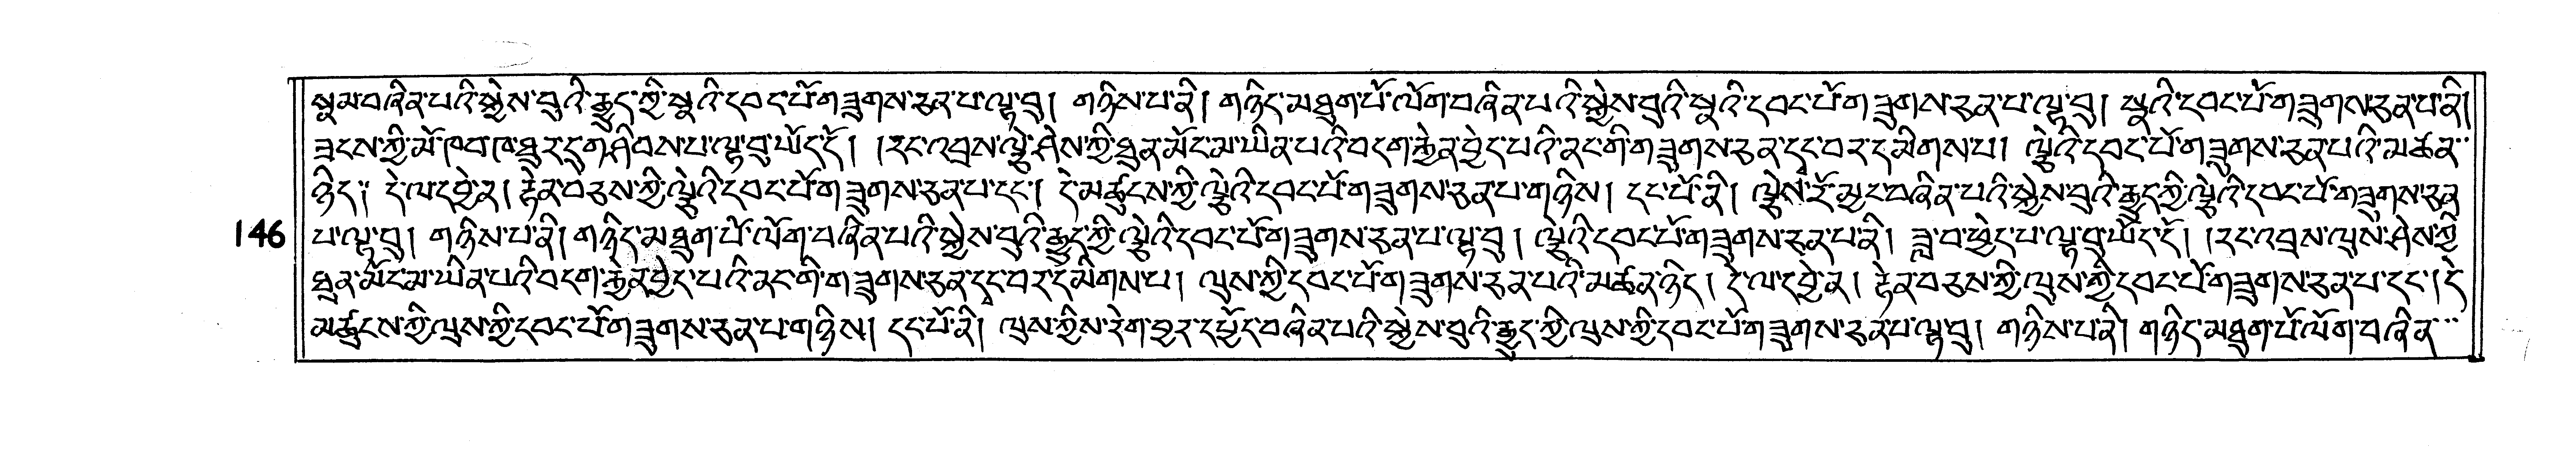སྣམ་བཞིན་པའི་སྐྱེས་བུའི་རྒྱུད་ཀྱི་སྣའི་དབང་པོ་གཟུགས་ཅན་པ་ལྟ་བུ། གཉིས་པ་ནི། གཉིད་མཐུག་པོ་ལོག་བཞིན་པའི་སྐྱེས་བུའི་སྣའི་དབང་པོ་གཟུགས་ཅན་པ་ལྟ་བུ། སྣའི་དབང་པོ་གཟུགས་ཅན་པ་ནི།
ཟངས་ཀྱི་མོ་ཁབ་ཁ་ཐུར་དུ་གཤིབས་པ་ལྟ་བུ་ཡོད་དོ། །རང་འབྲས་ལྕེ་ཤེས་ཀྱི་ཐུན་མོང་མ་ཡིན་པའི་བདག་རྐྱེན་བྱེད་པའི་ནང་གི་གཟུགས་ཅན་དྭང་བར་དམིགས་པ། ལྕེའི་དབང་པོ་གཟུགས་ཅན་པའི་མཚན་
ཉིད༑ དེ་ལ་དབྱེ་ན། རྟེན་བཅས་ཀྱི་ལྕེའི་དབང་པོ་གཟུགས་ཅན་པ་དང་། དེ་མཚུངས་ཀྱི་ལྕེའི་དབང་པོ་གཟུགས་ཅན་པ་གཉིས། དང་པོ་ནི། ལྕེས་རོ་མྱང་བཞིན་པའི་སྐྱེས་བུའི་རྒྱུད་ཀྱི་ལྕེའི་དབང་པོ་གཟུགས་ཅན་
པ་ལྟ་བུ། གཉིས་པ་ནི། གཉིད་མཐུག་པོ་ལོག་བཞིན་པའི་སྐྱེས་བུའི་རྒྱུད་ཀྱི་ལྕེའི་དབང་པོ་གཟུགས་ཅན་པ་ལྟ་བུ། ལྕེའི་དབང་པོ་གཟུགས་ཅན་པ་ནི། ཟླ་བ་ཕྱེད་པ་ལྟ་བུ་ཡོད་དོ། །རང་འབྲས་ལུས་ཤེས་ཀྱི་
ཐུན་མོང་མ་ཡིན་པའི་བདག་རྐྱེན་བྱེད་པའི་ནང་གི་གཟུགས་ཅན་དྭང་བར་དམིགས་པ། ལུས་ཀྱི་དབང་པོ་གཟུགས་ཅན་པའི་མཚན་ཉིད། དེ་ལ་དབྱེ་ན། རྟེན་བཅས་ཀྱི་ལུས་ཀྱི་དབང་པོ་གཟུགས་ཅན་པ་དང་། དེ་
མཚུངས་ཀྱི་ལུས་ཀྱི་དབང་པོ་གཟུགས་ཅན་པ་གཉིས། དང་པོ་ནི། ལུས་ཀྱིས་རེག་བྱར་དཔྱོད་བཞིན་པའི་སྐྱེས་བུའི་རྒྱུད་ཀྱི་ལུས་ཀྱི་དབང་པོ་གཟུགས་ཅན་པ་ལྟ་བུ། གཉིས་པ་ནི། གཉིད་མཐུག་པོ་ལོག་བཞིན་